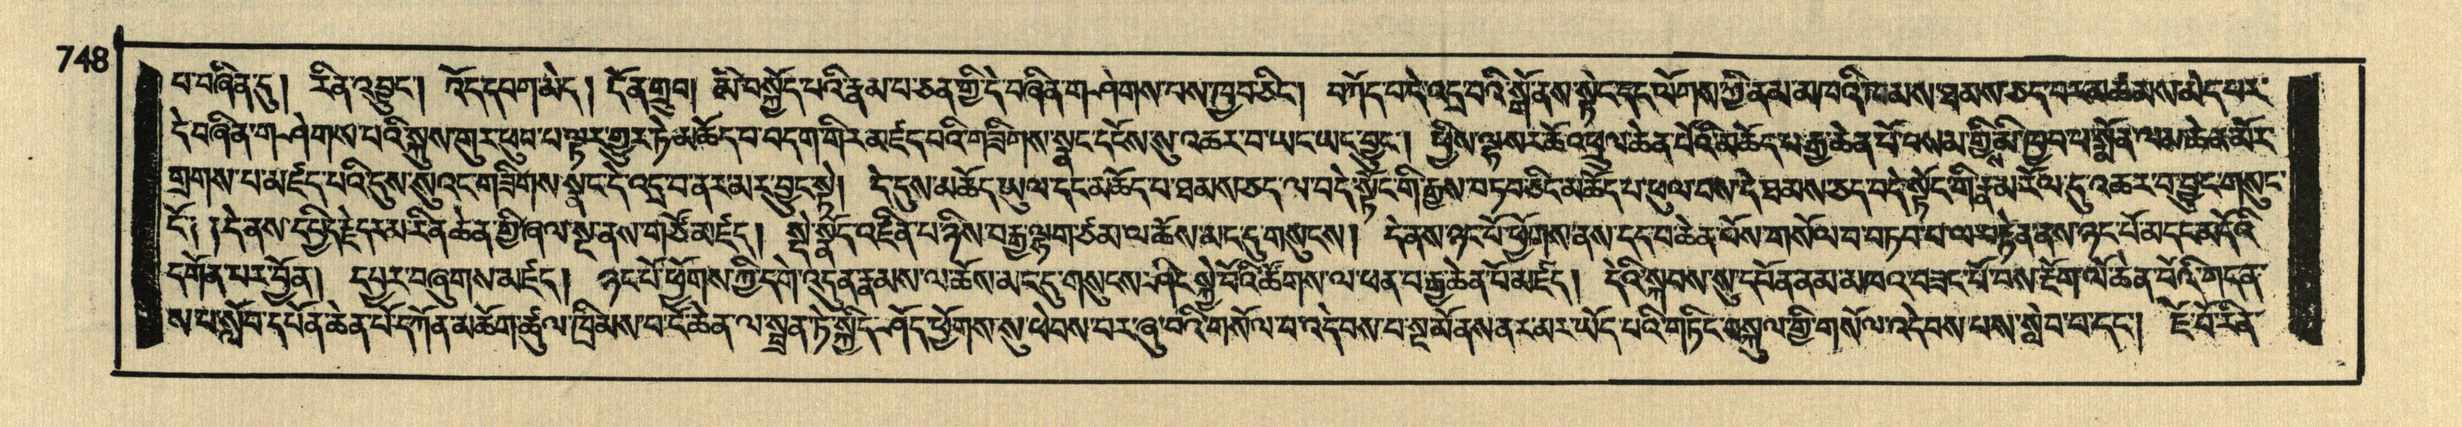པ་བཞིན་དུ། རིན་འབྱུང་། འོད་དཔག་མེད། དོན་གྲུབ། མི་བསྐྱོད་པའི་རྣམ་པ་ཅན་གྱི་དེ་བཞིན་གཤེགས་པས་ཁྱབ་ཅིང་། བཀོད་བདེ་འདྲ་བའི་སྒོ་ནས་སྟེང་དང་ལོགས་ཀྱི་ནམ་མཁའི་ཁམས་ཐམས་ཅད་བར་མཚམས་མེད་པར་
དེ་བཞིན་གཤེགས་པའི་སྐུས་གུར་ཕུབ་པ་ལྟར་གྱུར་ཏེ་མཆོད་པ་བདག་གིར་མཛད་པའི་གཟིགས་སྣང་དངོས་སུ་འཆར་པ་ཡང་ཡང་བྱུང་། ཕྱིས་ལྷ་སར་ཆོ་འཕྲུལ་ཆེན་པོའི་མཆོད་པ་རྒྱ་ཆེན་པོ་བསམ་གྱིས་མི་ཁྱབ་པ་སྨོན་ལམ་ཆེན་མོར་
གྲགས་པ་མཛད་པའི་དུས་སུའང་གཟིགས་སྣང་དེ་འདྲ་བ་ནར་མར་བྱུང་སྟེ། དེ་དུས་མཆོད་ཡུལ་དང་མཆོད་བ་ཐམས་ཅད་ལ་བདེ་སྟོང་གི་རྒྱས་བཏབ་ཅིང་མཆོད་པ་ཕུལ་བས་དེ་ཐམས་ཅད་བདེ་སྟོང་གི་རམ་རོལ་དུ་འཆར་བ་བྱུང་གསུང་
ངོ༑ ༑དེ་ནས་དཔྱིད་རྗེ་དར་མ་སྲིན་ཆེན་གྱི་ཞལ་སྔ་ནས་གཙོ་མཛད། སྡེ་སྣོད་འཛིན་པ་ཉིས་བརྒྱ་ལྷག་ཙམ་ལ་ཆོས་མང་དུ་གསུངས། དེ་ནས་ཉང་པོ་ཕྱོགས་ནས་དད་པ་ཆེན་བོས་གསོལ་བ་བཏབ་པ་ལ་བརྟེན་ནས་ཉང་པོ་མདང་མདོའི་
དགོན་པར་བྱོན། དཔྱར་བཞུགས་མཛད། ཉང་པོ་ཕྱོགས་ཀྱི་དགེ་འདུན་རྣམས་ལ་ཆོས་མང་དུ་གསུངས་ཤིང་སྐྱེ་བོའི་ཚོགས་ལ་ཕན་པ་རྒྱ་ཆེན་པོ་མཛད། དེའི་སྐབས་སུ་དཔོན་ནམ་མཁའ་བཟང་པོ་བས་རྡོག་ལོ་ཆེན་བོའི་གདན་
ས་པ་སློབ་དཔོན་ཆེན་པོ་དཀོན་མཆོག་ཚུལ་ཁྲིམས་བ་ངོ་ཆེན་ལ་སྦྲན་ཏེ་སྐྱིད་ཤོད་ཕྱོགས་སུ་ཕེབས་བར་ཞུ་བའི་གསོལ་བ་འདེབས་པ་སྔ་མོ་ནས་ནར་མར་ཡོད་པའི་གཏིང་བསྐུལ་གྱི་གསོལ་འདེབས་པས་སླེབས་བ་དང་། ཇོ་བོ་རིན་